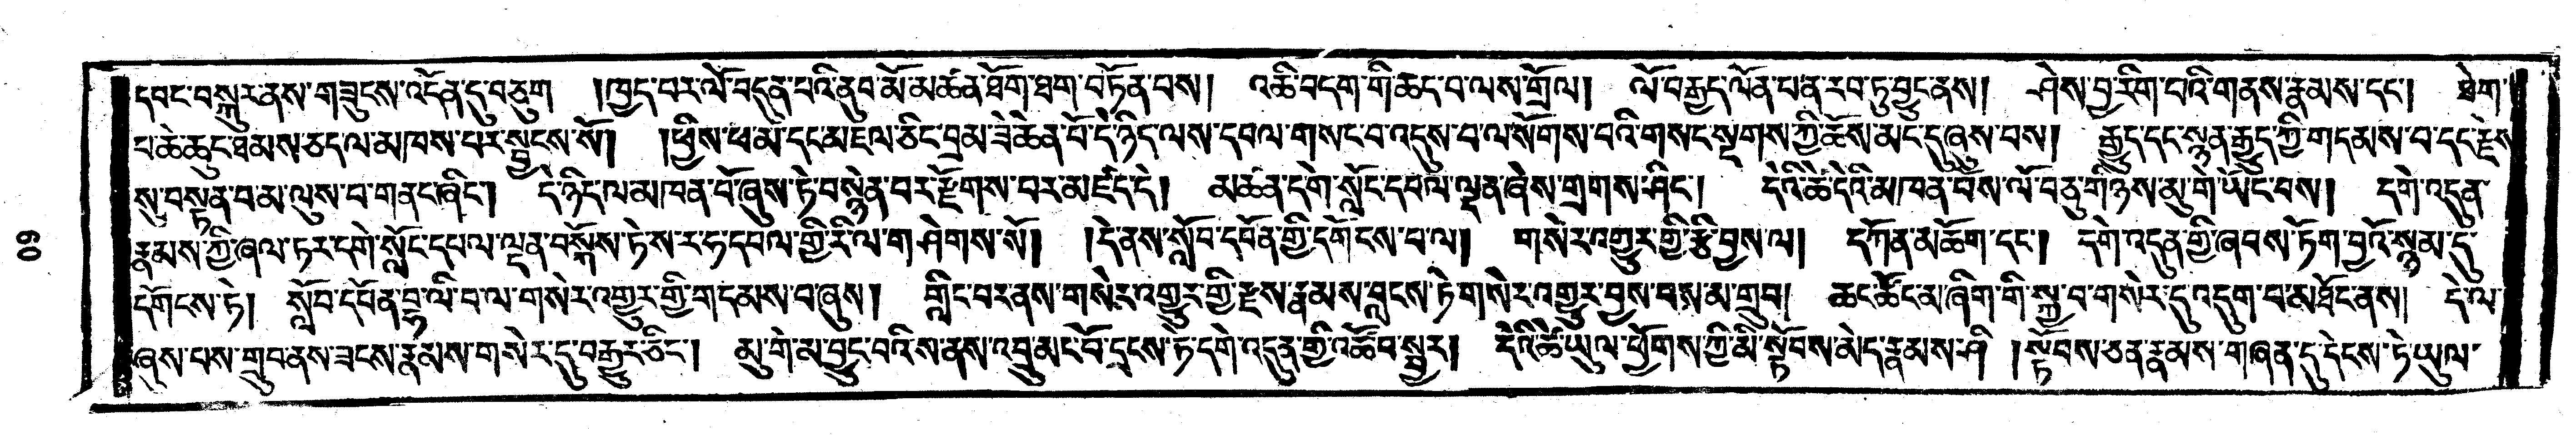དབང་བསྐུར་ནས་གཟུངས་འདོན་དུ་བཅུག །ཁྱད་པར་ལོ་བདུན་པའི་ནུབ་མོ་མཚན་ཐོག་ཐག་བཏོན་པས། འཆི་བདག་གི་ཆད་བ་ལ་གྲོལ། ལོ་བརྒྱད་ལོན་པ་ན་རབ་ཏུ་བྱུང་ནས། ཤེས་བྱ་རིག་པའི་གནས་རྣམས་དང་། ཐེག་
པ་ཆེ་ཆུང་ཐམས་ཅད་ལ་མཁས་པར་སྦྱངས་སོ། །ཕྱིས་ཕ་མ་དང་མཇལ་ཅིང་བྲམ་ཟེ་ཆེན་པོ་དེ་ཉིད་ལས་དཔལ་གསང་བ་འདུས་པ་ལ་སོགས་པའི་གསང་སྔགས་ཀྱི་ཆོས་མང་དུ་ཞུས་པས། རྒྱུད་དང་སྙན་རྒྱུད་ཀྱི་གདམས་པ་དང་རྗེས་
སུ་བསྟན་པ་མ་ལུས་པ་གནང་ཞིང་། དེ་ཉིད་ལ་མཁན་པོ་ཞུས་ཏེ་བསྙེན་པར་རྫོགས་པར་མཛད་དེ། མཚན་དགེ་སློང་དཔལ་ལྡན་ཞེས་གྲགས་ཤིང་། དེའི་ཚེ་དེའི་མཁན་པོས་ལོ་བཅུ་གཉིས་མུ་གེ་ཡོང་བས། དགེ་འདུན་
རྣམས་ཀྱི་ཞལ་ཏར་དགེ་སློང་དཔལ་ལྡན་བསྐོས་ཏེ་ས་ར་ཧ་དཔལ་གྱི་རི་ལ་གཤེགས་སོ། །དེ་ནས་སློབ་དཔོན་གྱི་དགོངས་པ་ལ། གསེར་འགྱུར་གྱི་རྩི་བྱས་ལ། དཀོན་མཆོག་དང་། དགེ་འདུན་གྱི་ཞབས་ཏོག་བྱའོ་སྙམ་དུ་
དགོངས་ཏེ། སློབ་དཔོན་བྷ་ལི་བ་ལ་གསེར་འགྱུར་གྱི་གདམས་བ་ཞུས། གླིང་བར་ནས་གསེར་འགྱུར་གྱི་རྫས་རྣམས་བླངས་ཏེ་གསེར་འགྱུར་བྱས་བས་མ་གྲུབ། ཆང་ཚོང་མ་ཞིག་གི་སྐྱ་བ་གསེར་དུ་འདུག་པ་མཐོང་ནས། དེ་ལ་
ཞུས་པས་གྲུབ་ནས་ཟངས་རྣམས་གསེར་དུ་བརྒྱུར་ཅིང་། མུ་གེ་མ་བྱུང་བའི་ས་ནས་འབྲུ་མང་པོ་དྲངས་ཏེ་དགེ་འདུན་གྱི་འཚོ་བ་སྦྱར། དེའི་ཚེ་ཡུལ་ཕྱོགས་ཀྱི་མི་སྟོབས་མེད་རྣམས་ཤི་།སྟོབས་ཅན་རྣམས་གཞན་དུ་དེངས་ཏེ་ཡུན་